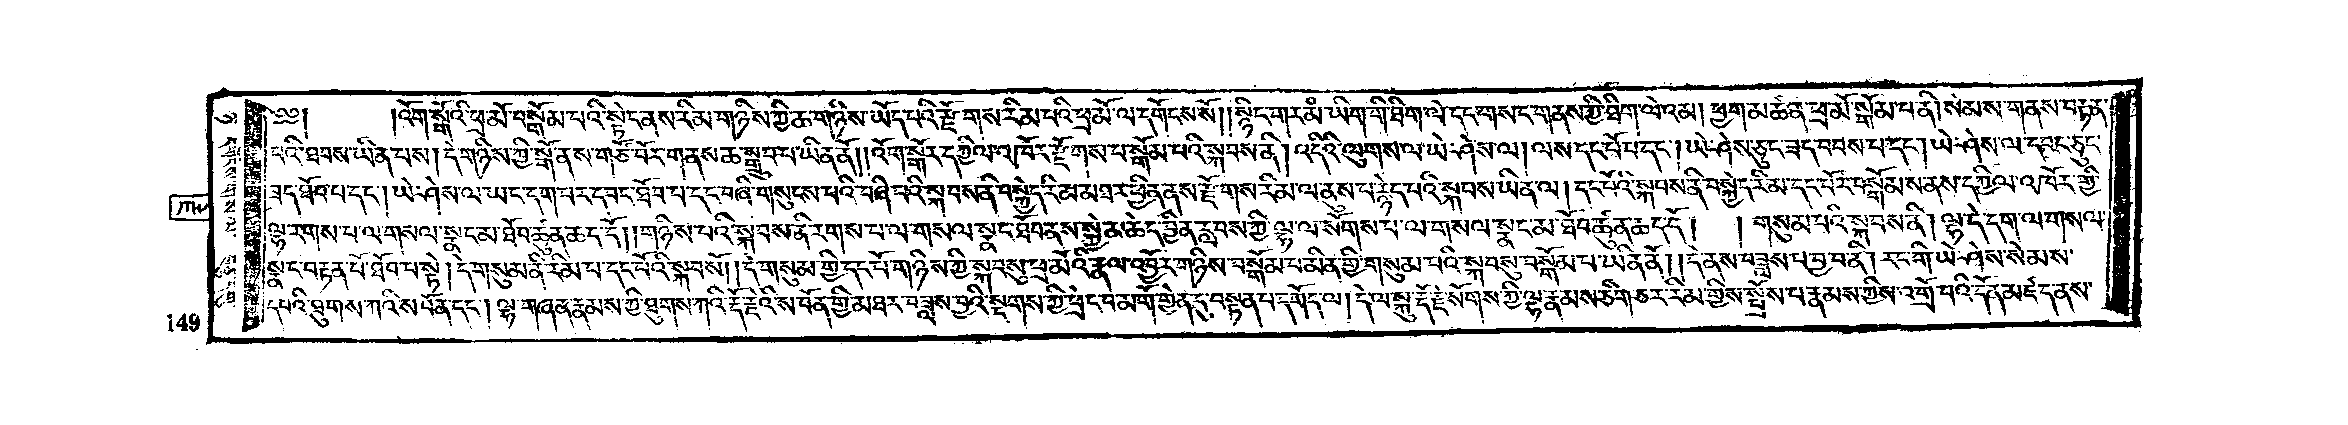༄༅། །འོག་སྒོའི་ཕྲ་མོ་བསྒོམ་པའི་སྟེང་ནས་རིམ་གཉིས་ཀྱི་ཆ་གཉིས་ཡོད་པའི་རྫོགས་རིམ་པའི་ཕྲ་མོ་ལ་དགོངས་སོ། །སྙིང་གར་མཾ་ཡིག་གི་ཐིག་ལེ་དང་གསང་གནས་ཀྱི་ཐིག་ལེ་འམ། ཕྱག་མཚན་ཕྲ་མོ་སྒོམ་པ་ནི། སེམས་གནས་བརྟན་
པའི་ཐབས་ཡིན་པས། དེ་གཉིས་ཀྱི་སྒོ་ནས་གཙོ་བོར་གནས་ཆ་སྒྲུབ་པ་ཡིན་ནོ། །འོག་སྒོར་དཀྱིལ་འཁོར་རྫོགས་པ་སྒོམ་པའི་སྐབས་ནི། འདིའི་ལུགས་ལ་ཡེ་ཤེས་ལ། ལས་དང་པོ་པ་དང་། ཡེ་ཤེས་ཅུང་ཟད་བབས་པ་དང་། ཡེ་ཤེས་ལ་དབང་ཅུང་
ཟད་ཐོབ་པ་དང་། ཡེ་ཤེས་ལ་ཡང་དག་པར་དབང་ཐོབ་པ་དང་བཞི་གསུངས་པའི་བཞི་པའི་སྐབས་ནི་བསྐྱེད་རིམ་མཐར་ཕྱིན་ནས་རྫོགས་རིམ་ལ་ནུས་པ་རྙེད་པའི་སྐབས་ཡིན་ལ། དང་པོའི་སྐབས་ནི་བསྐྱེད་རིམ་དང་པོར་བསྒོམས་ནས་དཀྱིལ་འཁོར་གྱི་
ལྷ་རགས་པ་ལ་གསལ་སྣང་མ་ཐོབ་ཚུན་ཆད་དོ། །གཉིས་པའི་སྐབས་ནི་རགས་པ་ལ་གསལ་སྣང་ཐོབ་ནས་སྐྱེ་མཆེད་བྱིན་རླབས་ཀྱི་ལྷ་ལ་སོགས་པ་ལ་གསལ་སྣང་མ་ཐོབ་ཚུན་ཆད་དོ། །གསུམ་པའི་སྐབས་ནི། ལྷ་དེ་དག་ལ་གསལ་
སྣང་བརྟན་པོ་ཐོབ་པ་སྟེ། དེ་གསུམ་ནི་རིམ་པ་དང་པོའི་སྐབས་སོ། །དེ་གསུམ་གྱི་དང་པོ་གཉིས་ཀྱི་སྐབས་སུ་ཕྲ་མོའི་རྣལ་འབྱོར་གཉིས་བསྒོམ་པ་མིན་གྱི་གསུམ་པའི་སྐབས་སུ་བསྒོམ་པ་ཡིན་ནོ། །དེ་ནས་བཟླས་པ་བྱ་བ་ནི། རང་གི་ཡེ་ཤེས་སེམས་
དཔའི་ཐུགས་ཀའི་ས་བོན་དང་། ལྷ་གཞན་རྣམས་ཀྱི་ཐུགས་ཀའི་རྡོ་རྗེའི་ས་བོན་གྱི་མཐར་བཟླས་བྱའི་སྔགས་ཀྱི་ཕྲེང་བ་མགོ་གྱེན་དུ་བསྟན་པ་དགོད་ལ། དེ་ལ་སྐུ་རྡོ་རྗེ་སོགས་ཀྱི་ལྷ་རྣམས་ཅིག་ཅར་རིམ་གྱིས་སྤྲོས་པ་རྣམས་ཀྱིས་འགྲོ་བའི་དོན་མཛད་ནས་